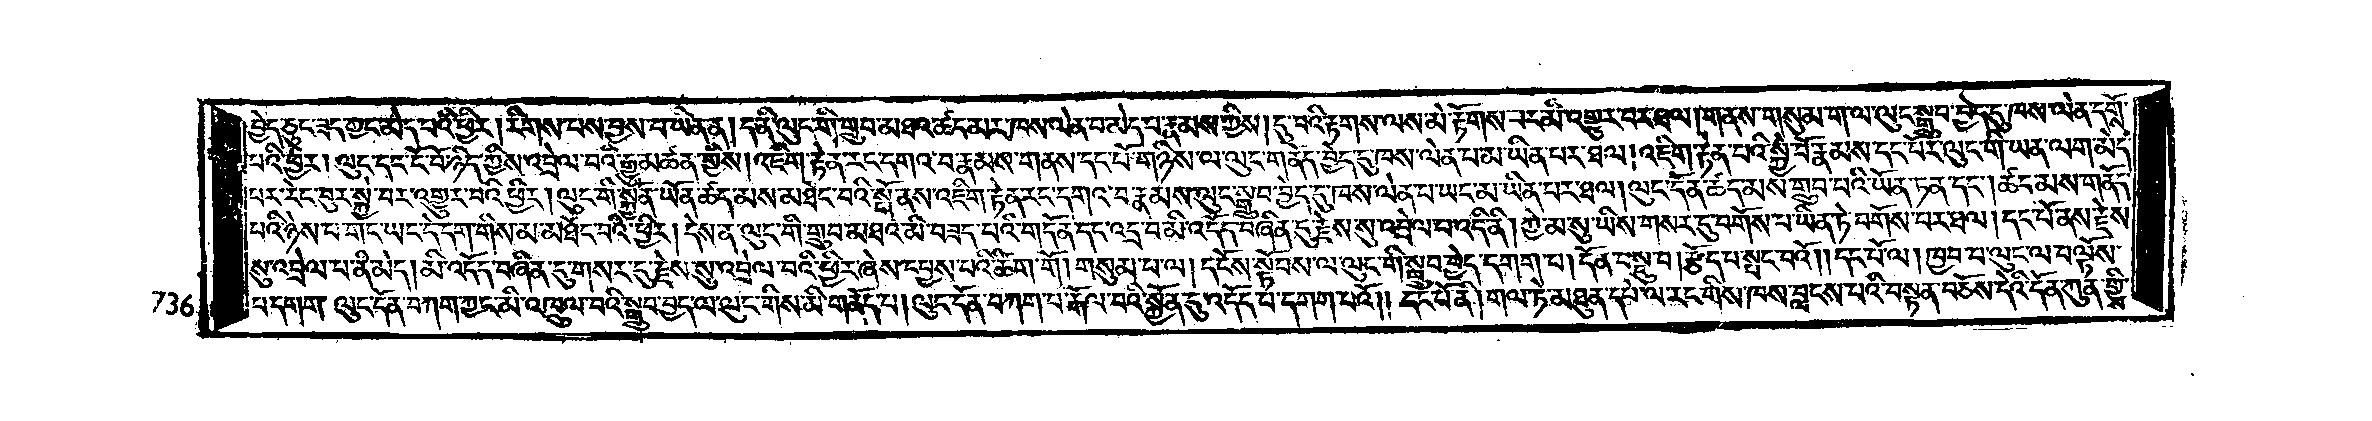བྱེད་ཅུང་ཟད་ཀྱང་མེད་པའི་ཕྱིར། རིགས་པས་བྱས་པ་ཡིན་ན། ད་ནི་ལུང་གི་གྲུབ་མཐའ་ཚད་མར་ཁས་ལེན་པ་མེད་པ་རྣམས་ཀྱིས། དུ་བའི་རྟགས་ལས་མེ་རྟོགས་པར་མི་འགྱུར་བར་ཐལ། གནས་གསུམ་ག་ལ་ལུང་སྒྲུབ་བྱེད་དུ་ཁས་ལེན་དགོས་
པའི་ཕྱིར། ལུང་དང་ངོ་བོ་ཉིད་ཀྱིས་འབྲེལ་བའི་རྒྱུ་མཚན་གྱིས། འཇིག་རྟེན་རང་དགའ་བ་རྣམས་གནས་དང་པོ་གཉིས་ལ་ལུང་གནོད་བྱེད་དུ་ཁས་ལེན་པ་མ་ཡིན་པར་ཐལ། འཇིག་རྟེན་པའི་སྐྱེ་བོ་རྣམས་དང་པོར་ལུང་གི་ཡན་ལག་མེད་
པར་རེང་བུར་སྐྱེ་བར་འགྱུར་བའི་ཕྱིར། ལུང་གི་སྐྱོན་ཡོན་ཚད་མས་མཐོང་བའི་སྒོ་ནས་འཇིག་རྟེན་རང་དགའ་བ་རྣམས་ལུང་སྒྲུབ་བྱེད་དུ་ཁས་ལེན་པ་ཡང་མ་ཡིན་པར་ཐལ། ལུང་དོན་ཚད་མས་གྲུབ་པའི་ཡོན་ཏན་དང་། ཚད་མས་གནོད་
པའི་ཉེས་པ་གང་ཡང་དེ་དག་གིས་མ་མཐོང་བའི་ཕྱིར། དེས་ན་ལུང་གི་གྲུབ་མཐའ་མི་བཟད་པའི་གདོན་དང་འདྲ་བ་མི་འདོད་བཞིན་དུ་རྗེས་སུ་འབྲེལ་བ་འདི་ནི། ཀྱེ་མ་སུ་ཡིས་གསར་དུ་བགོས་པ་ཡིན་ཏེ་བགོས་པར་ཐལ། དང་པོ་ནས་རྗེས་
སུ་འབྲེལ་པ་ནི་མེད། མི་འདོད་བཞིན་དུ་གསར་དུ་རྗེས་སུ་འབྲེལ་བའི་ཕྱིར་ཞེས་དཔྱས་པའི་ཚིག་གོ ། གསུམ་པ་ལ། དངོས་སྟོབས་ལ་ལུང་གི་སྒྲུབ་བྱེད་དགག་པ། དོན་བསྡུ་བ། རྩོད་པ་སྤང་བའོ། །དང་པོ་ལ། ཁྱབ་པ་ལུང་ལ་བལྟོས་
པ་དགག་ལུང་དོན་བཀག་ཀྱང་མི་འཁྲུལ་པའི་སྒྲུབ་བྱེད་ལ་ལུང་གིས་མི་གནོད་པ། ལུང་དོན་བཀག་པ་རྒོལ་བའི་སྐྱོན་དུ་འདོད་པ་དགག་པའོ། །དང་པོ་ནི། གལ་ཏེ་མཐུན་དཔེ་ལ་རང་གིས་ཁས་བླངས་པའི་བསྟན་བཅོས་དེའི་དོན་ཀུན་གྱིས་